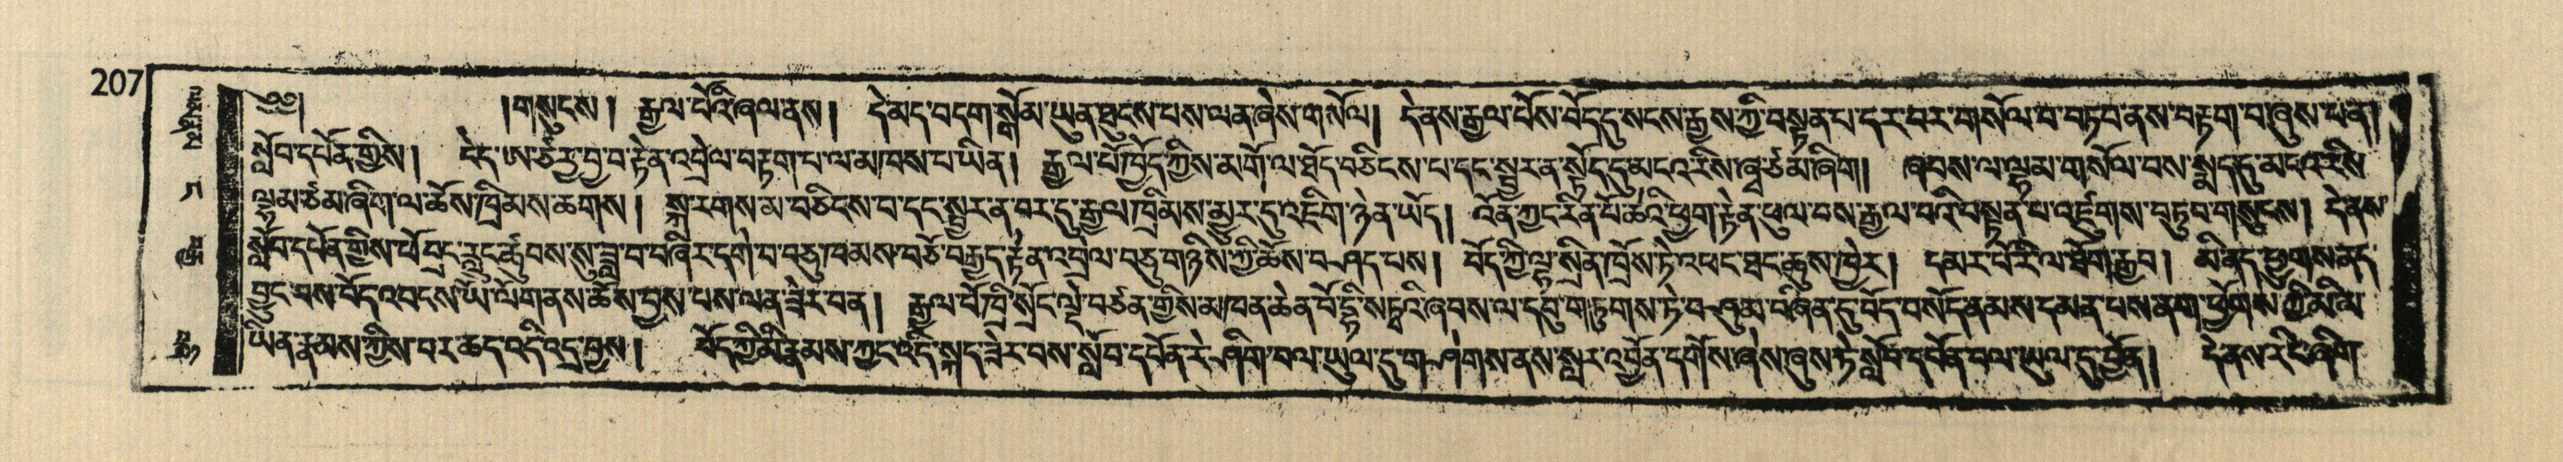༄༅། །གསུངས། རྒྱལ་པོའི་ཞལ་ནས། དེ་མད་བདག་སྒོམ་ཡུན་ཐུངས་པས་ལན་ཞེས་གསོལ། དེ་ནས་རྒྱལ་པོས་བོད་དུ་སངས་རྒྱས་ཀྱི་བསྟན་པ་དར་བར་གསོལ་བ་བཏབ་ནས་བརྟག་བ་ཞུས་པ་ན།
སློབ་དཔོན་གྱིས། ངེད་ཨ་ཙ་རྱ་བྱ་བ་རྟེན་འབྲེལ་བརྟག་པ་ལ་མཁས་པ་ཡིན། རྒྱལ་པོ་ཁྱོད་ཀྱིས་མགོ་ལ་ཐོད་བཅིངས་པ་དང་སྦྱར་ན་སྟོང་དུ་མངའ་རིས་ཞྭ་ཙམ་ཞིག། ཞབས་ལ་ལྷམ་གསོལ་བས་སྨད་དུ་མངའ་རིས་
ལྷམ་ཙམ་ཞིག་ལ་ཆོས་ཁྲིམས་ཆགས། སྐ་རགས་མ་བཅིངས་པ་དང་སྦྱར་ན་བར་དུ་རྒྱལ་ཁྲིམས་མྱུར་དུ་འཇིག་ཉེན་ཡོད། འོན་ཀྱང་རིན་པོ་ཆེའི་ཕྱག་རྟེན་ཕུལ་བས་རྒྱལ་བའི་བསྟན་པ་འཛུགས་བཏུབ་གསུངས། དེ་ནས་
སློབ་དཔོན་གྱིས་ཕོ་བྲང་རླུང་ཚུབས་སུ་ཟླ་བ་བཞིར་དགེ་བ་བཅུ་ཁམས་བཅོ་བརྒྱད་རྟེན་འབྲེལ་བཅུ་གཉིས་ཀྱི་ཆོས་བཤད་པས། བོད་ཀྱི་ལྷ་སྲིན་ཁྲོས་ཏེ་འཕང་ཐང་ཆུས་ཁྱེར། དམ་རོ་རིལ་ཐོག་རྒྱབ། མི་ནད་ཕྱུགས་ནད་
བྱུང་བས་བོད་འངས་ཡ་ལོག་ནས་ཆོས་བྱས་པས་ལན་ཟེར་བ་ན། རྒྱལ་པོ་ཁྲི་སྲོང་ལྡེ་བཙན་གྱིས་མཁན་ཆེན་བོདྷི་སཏྭའི་ཞབས་ལ་དབུ་གཏུགས་ཏེ་བཤུམ་བཞིན་དུ་བོད་བསོད་ནམས་དམན་པས་ནག་ཕྱོགས་ཀྱི་མི་མ་
ཡིན་རྣམས་ཀྱིས་བར་ཆད་འདི་འདྲ་བྱས། བོད་ཀྱི་རྣམས་ཀྱང་འདི་སྐད་ཟེར་བས་སློབ་དོན་རེ་ཤིག་བལ་ཡུལ་དུ་གཤེགས་ནས་སླར་འབྱོན་དགོས་ཞེས་ཞུས་ཏེ་སློབ་དཔོན་བླ་ཡུལ་དུ་བྱོན། དེ་ནས་རིང་ཞིག་